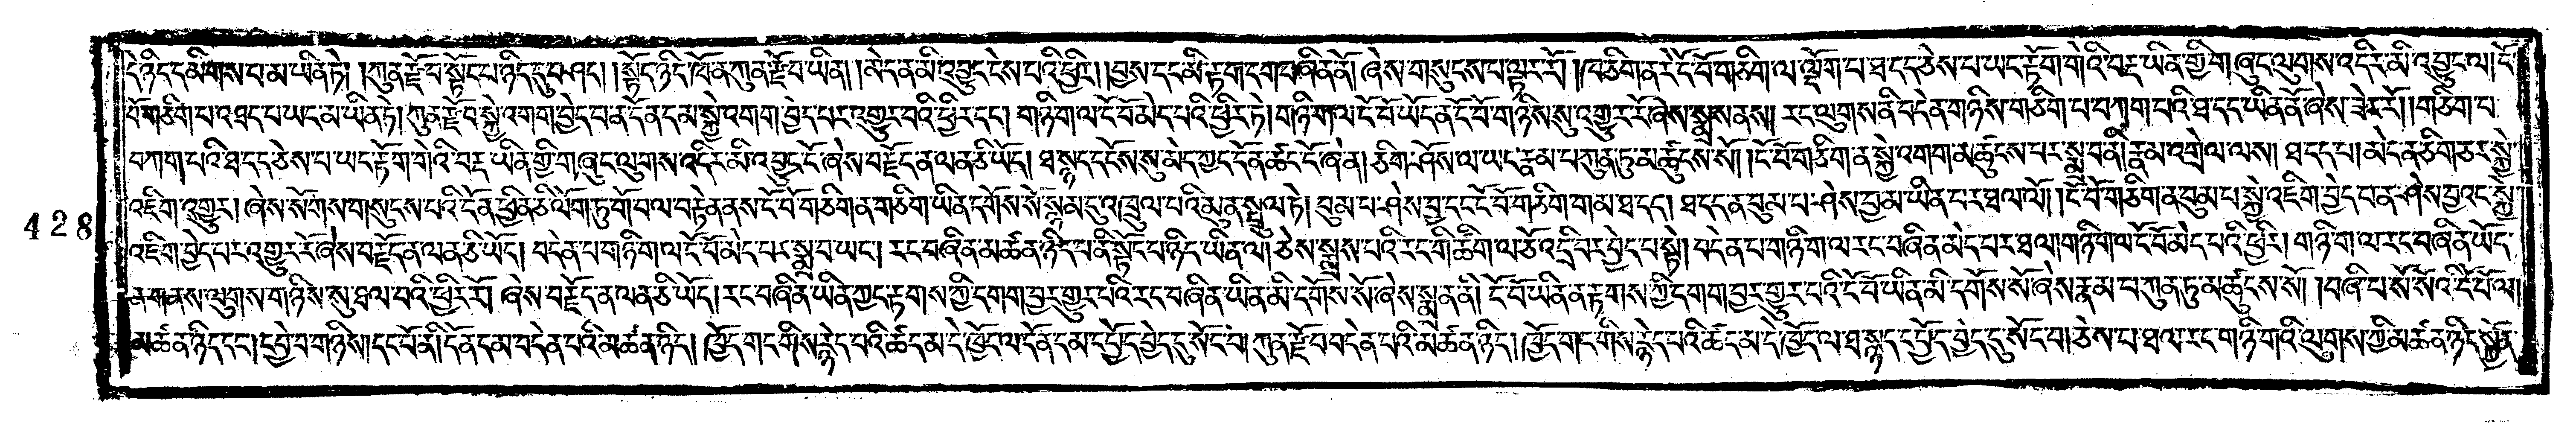དེ་ཉིད་དམིགས་པ་མ་ཡིན་ཏེ། །ཀུན་རྫོབ་སྟོང་པ་ཉིད་དུ་བཤད། །སྟོང་ཉིད་ཁོ་ན་ཀུན་རྫོབ་ཡིན། །མེད་ན་མི་འབྱུང་ངེས་པའི་ཕྱིར། །བྱས་དང་མི་རྟག་དག་བཞིན་ནོ། ཞེས་གསུངས་པ་ལྟར་རོ། །ཁ་ཅིག་ན་རེ་ངོ་བོ་གཅིག་ལ་ལྡོག་པ་ཐ་དད་ཅེས་པ་ཡང་རྟོག་གེའི་བརྡ་ཡིན་གྱི་གཞུང་ལུགས་འདིར་མི་འབྱུང་ལ། ངོ་
བོ་གཅིག་པ་འཐད་པ་ཡང་མ་ཡིན་ཏེ། ཀུན་རྫོབ་སྐྱེ་འགག་བྱེད་པ་ན་དོན་དམ་སྐྱེ་འགག་བྱེད་པ་ན་དོན་དམ་སྐྱེ་འགག་བྱེད་པར་འགྱུར་བའི་ཕྱིར་དང་། གཉི་ག་ལ་ངོ་བོ་མེད་པའི་ཕྱིར་ཏེ། གཉི་ག་ལ་ངོ་བོ་ཡོད་ན་ངོ་བོ་གཉིས་སུ་འགྱུར་རོ་ཞེས་སྨྲས་ནས། རང་ལུགས་ནི་བདེན་གཉིས་གཅིག་པ་བཀག་པའི་ཐ་དད་ཡིན་ནོ་ཞེས་ཟེར་རོ། །གཅིག་པ་
བཀག་པའི་ཐ་དད་ཅེས་པ་ཡང་རྟོག་གེའི་བརྡ་ཡིན་གྱི་གཞུང་ལུགས་འདིར་མི་འབྱུང་ངོ་ཞེས་བརྗོད་ན་ལན་ཅི་ཡོད། ཐ་སྙད་དངོས་སུ་མེད་ཀྱང་དོན་ཚང་ངོ་ཞེ་ན། ཅིག་ཤོས་ལ་ཡང་རྣམ་པ་ཀུན་ཏུ་མཚུངས་སོ། །ངོ་བོ་གཅིག་ན་སྐྱེ་འགག་མཚུངས་པར་སྨྲ་བ་ནི། རྣམ་འགྲེལ་ལས། ཐ་དད་པ། མེད་ན་ཅིག་ཅར་སྐྱེ་
འཇིག་འགྱུར། ཞེས་སོགས་གསུངས་པའི་དོན་ཕྱིན་ཅི་ལོག་ཏུ་གོ་བ་ལ་བརྟེན་ནས་ངོ་བོ་གཅིག་ན་གཅིག་ཡིན་དགོས་སོ་སྙམ་དུ་འཁྲུལ་བའི་མུན་སྤྲུལ་ཏེ། བུམ་པ་ཤེས་བྱ་དང་ངོ་བོ་གཅིག་གམ་ཐ་དད། ཐ་དད་ན་བུམ་པ་ཤེས་བྱ་མ་ཡིན་པར་ཐལ་ལོ། །ངོ་བོ་གཅིག་ན་བུམ་པ་སྐྱེ་འཇིག་བྱེད་པ་ན་ཤེས་བྱའང་སྐྱེ་
འཇིག་བྱེད་པར་འགྱུར་རོ་ཞེས་བརྗོད་ན་ལན་ཅི་ཡོད། བདེན་པ་གཉི་ག་ལ་ངོ་བོ་མེད་པར་སྨྲ་བ་ཡང་། རང་བཞིན་མཚན་ཉིད་པ་ནི་སྟོང་པ་ཉིད་ཡིན་ལ། ཅེས་སྨྲས་པའི་རང་གི་ཚིག་ལ་ཅོ་འདྲི་བར་བྱེད་པ་སྟེ། བདེན་པ་གཉི་ག་ལ་རང་བཞིན་མེད་པར་ཐལ། གཉི་ག་ལ་ངོ་བོ་མེད་པའི་ཕྱིར། གཉི་ག་ལ་རང་བཞིན་ཡོད་
ན་གནས་ལུགས་གཉིས་སུ་ཐལ་བའི་ཕྱིར་རོ། ཞེས་བརྗོད་ན་ལན་ཅི་ཡོད། རང་བཞིན་ཡིན་ཀྱང་རྟགས་ཀྱི་དགག་བྱར་གྱུར་པའི་རང་བཞིན་ཡིན་མི་དགོས་སོ་ཞེས་སྨྲ་ན་ནི། ངོ་བོ་ཡིན་ན་རྟགས་ཀྱི་དགག་བྱར་གྱུར་བའི་ངོ་བོ་ཡིན་མི་དགོས་སོ་ཞེས་རྣམ་པ་ཀུན་ཏུ་མཚུངས་སོ། །བཞི་བ་སོ་སོའི་ངོ་པོ་ལ།
མཚན་ཉིད་དང་། དབྱེ་བ་གཉིས། དང་པོ་ནི། དོན་དམ་བདེན་པའི་མཚན་ཉིད། ཁྱོད་གང་གིས་རྙེད་བའི་ཚད་མ་དེ་ཁྱོད་ལ་དོན་དམ་དཔྱོད་བྱེད་དུ་སོང་བ། ཀུན་རྫོབ་བདེན་པའི་མཚན་ཉིད། ཁྱོད་གང་གིས་རྙེད་བའི་ཚད་མ་དེ་ཁྱོད་ལ་ཐ་སྙད་དཔྱོད་བྱེད་དུ་སོང་བ། ཅེས་པ་ཐལ་རང་གཉི་གའི་ལུགས་ཀྱི་མཚན་ཉིད་སྐྱོན་